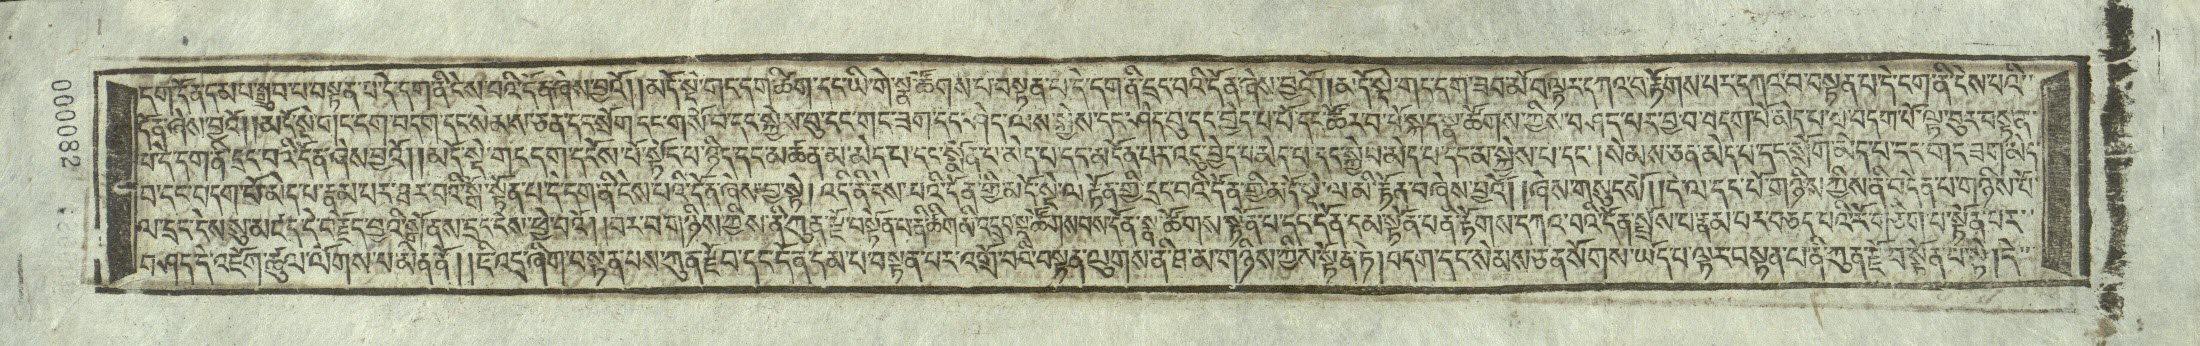དག་དོན་དམ་བསྒྲུབ་བ་བསྟན་པ་དེ་དག་ནི་ངེས་པའི་དོན་ཞེས་བྱའོ། །མདོ་སྡེ་གང་དག་ཚིག་དང་ཡི་གེ་སྣ་ཚོགས་པ་བསྟན་པ་དེ་དག་ནི་དྲང་བའི་དོན་ཞེས་བྱའོ། །མདོ་སྡེ་གང་དག་ཟབ་མོ་བལྟར་དཀའ་བརྟོགས་པར་དཀའ་བ་བསྟན་པ་དེ་དག་ནི་ངེས་པའི་
དོན་ཞེས་བྱའོ། །མདོ་སྡེ་གང་དག་བདག་དང་སེམས་ཅན་དང་སྲོག་དང་གསོ་བ་དང་སྐྱེས་བུ་དང་གང་ཟག་དང་ཤེད་ལས་སྐྱེས་དང་ཤེད་བུ་དང་བྱེད་པ་པོ་དང་ཚོར་བ་པོ་སྐད་སྣ་ཚོགས་ཀྱིས་བཤད་པར་བྱ་བ་བདག་པོ་མེད་པ་ལ་བདག་པོ་ལྟ་བུར་བསྟན་
པ་དེ་དག་ནི་དྲང་བའི་དོན་ཞེས་བྱའོ། །མདོ་སྡེ་གང་དག་དངོས་པོ་སྟོང་པ་ཉིད་དང་མཚན་མ་མེད་པ་དང་སྨོན་པ་མེད་པ་དང་མངོན་པར་འདུ་བྱེད་པ་མེད་པ་དང་སྐྱེ་བ་མེད་པ་དང་མ་སྐྱེས་པ་དང་། སེམས་ཅན་མེད་པ་དང་སྲོག་མེད་པ་དང་གང་ཟག་མེད་
པ་དང་བདག་པོ་མེད་པ་རྣམ་པར་ཐར་པའི་སྒོ་སྟོན་པ་དེ་དག་ནི་ངེས་པའི་དོན་ཞེས་བྱ་སྟེ། འདི་ནི་ངེས་པའི་དོན་གྱི་མདོ་སྡེ་ལ་རྟོན་གྱི་དྲང་བའི་དོན་གྱི་མདོ་སྡེ་ལ་མི་རྟོན་བ་ཞེས་བྱའོ། །ཞེས་གསུངས་སོ། །དེ་ལ་དང་བ་གཉིས་ཀྱིས་ནི་བདེན་པ་གཉིས་པོ་
ལ་དྲང་ངེས་སུ་མཛད་དེ་བརྗོད་བྱའི་སྒོ་ནས་དྲང་ངེས་ཕྱེ་བའོ། །བར་པ་གཉིས་ཀྱིས་ནི་ཀུན་རྫོབ་སྟན་པ་ནི་ཚིག་མི་འདྲ་བ་སྣ་ཚོགས་པས་དོན་སྣ་ཚོགས་སྟོན་པ་དང་དོན་དམ་སྟོན་པ་ནི་རྟོགས་དཀའ་བའི་དོན་སྤྲོས་པ་རྣམ་པར་བཅད་པའི་རོ་གཅིག་པ་སྟོན་པར་
བཤད་དེ་འཇོག་ཚུལ་ལོགས་པ་མིན་ནོ། །ཇི་འདྲ་ཞིག་བསྟན་པས་ཀུན་རྫོབ་དང་དོན་དམ་པ་བསྟན་པར་འགྲོ་བའི་བསྟན་ལུགས་ནི་ཐ་མ་གཉིས་ཀྱིས་སྟོན་ཏེ། བདག་དང་སེམས་ཅན་སོགས་ཡོད་བ་ལྟར་བསྟན་པ་ནི་ཀུན་རྫོབ་སྟོན་པ་སྟེ། དེ་